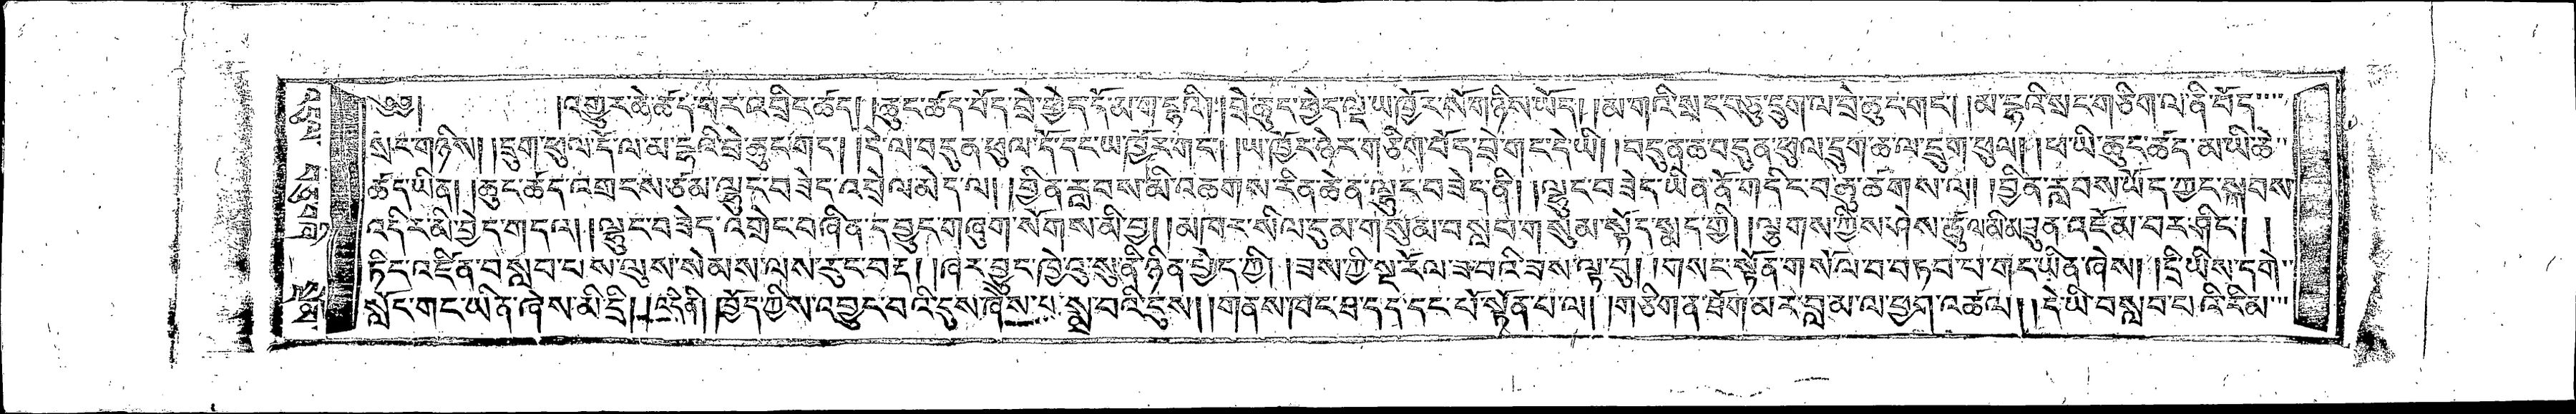༄༅། །འགྱུར་ཆེ་ཚད་བར་འབྲིང་ཚད། །ཆུང་ཚད་བོད་བྲེ་ཕྱེད་དོ་མ་ག་དྷའི། །བྲེ་ཆུང་ཕྱེད་ལྔ་ཡ་ཁྱོར་སོ་གཉིས་ཡོད། །མ་གའི་སྲང་བཅུ་དྲུག་ལ་བྲེ་ཆུང་གང་། །མ་དྷའི་སྲང་གཅིག་ལ་ནི་བོད་
སྲང་གཉིས། །དྲུག་ཕུལ་དོ་ལ་མ་དྷའི་བྲེ་ཆུང་གང་། །དེ་ལ་བདུན་ཕུལ་དོ་དང་ཡ་ཁྱོར་གང་། །ཡ་ཁྱོར་ཉེར་གཅིག་བོད་བྲེ་གང་དེ་ཡི། །བདུན་ཆ་བདུན་ཕུལ་དྲུག་ཆ་ལ་དྲུག་ཕུལ། །ཕ་ཡི་ཆུང་ཚད་མ་ཡི་ཆེ་
ཚད་ཡིན། །ཆུང་ཚད་འགྲངས་ཙམ་ལྷུང་བཟེད་འབྲེལ་མེད་ལ། །བྱིན་རླབས་མི་འཆགས་རིན་ཆེན་ལྷུང་བཟེད་ནི། །ལྷུང་བཟེད་ཡིན་ནོ་གདིང་བ་ཆུ་ཚགས་ལ། །བྱིན་རླབས་ཡོད་ཀྱང་སྐབས་
འདིར་མི་བྱེད་གདའ། །ལྷུང་བཟེད་འགྲེང་བཞིན་དབྱུང་གཞུག་སོགས་མི་བྱ། །མཁར་སིལ་དུམ་གསུམ་བསླབ་གསུམ་སྟོང་སྨད་གྱི། །ལྕགས་ཀྱིས་ཤེས་ཚུལ་མི་མཐུན་འཇོམ་བར་ཤིང་། །
ཏིང་འཛིན་བསླབ་པས་ལུས་སེམས་ལས་རུང་བརྡ། །ཞར་བྱུང་ཁྱེའུ་སུ་ནི་ཉིན་པྱེད་ཀྱི། །ཟས་ཀྱི་སྔ་རོལ་ཟ་བའི་ཟས་ལྟ་བུ། །གསང་སྟོན་གསོལ་བ་བཏབ་པ་གང་ཡིན་ཞེས། །དྲི་ཡིས་དགེ་
སློང་གང་ཡིན་ཞེས་མི་དྲི། །འདི་ནི། །ཁྱོད་ཀྱིས་འབྱུང་བའི་དུས་ཞེས་པ་སྨྲ་བའི་དུས། །གནས་ཁང་ཐ་དད་དང་པོ་སྟོན་པ་ལ། །གཅིག་ན་ཐོག་མར་བླ་མ་ལ་ཕྱག་འཚལ། །དེ་ཡི་བསླབ་པའི་རིམ་